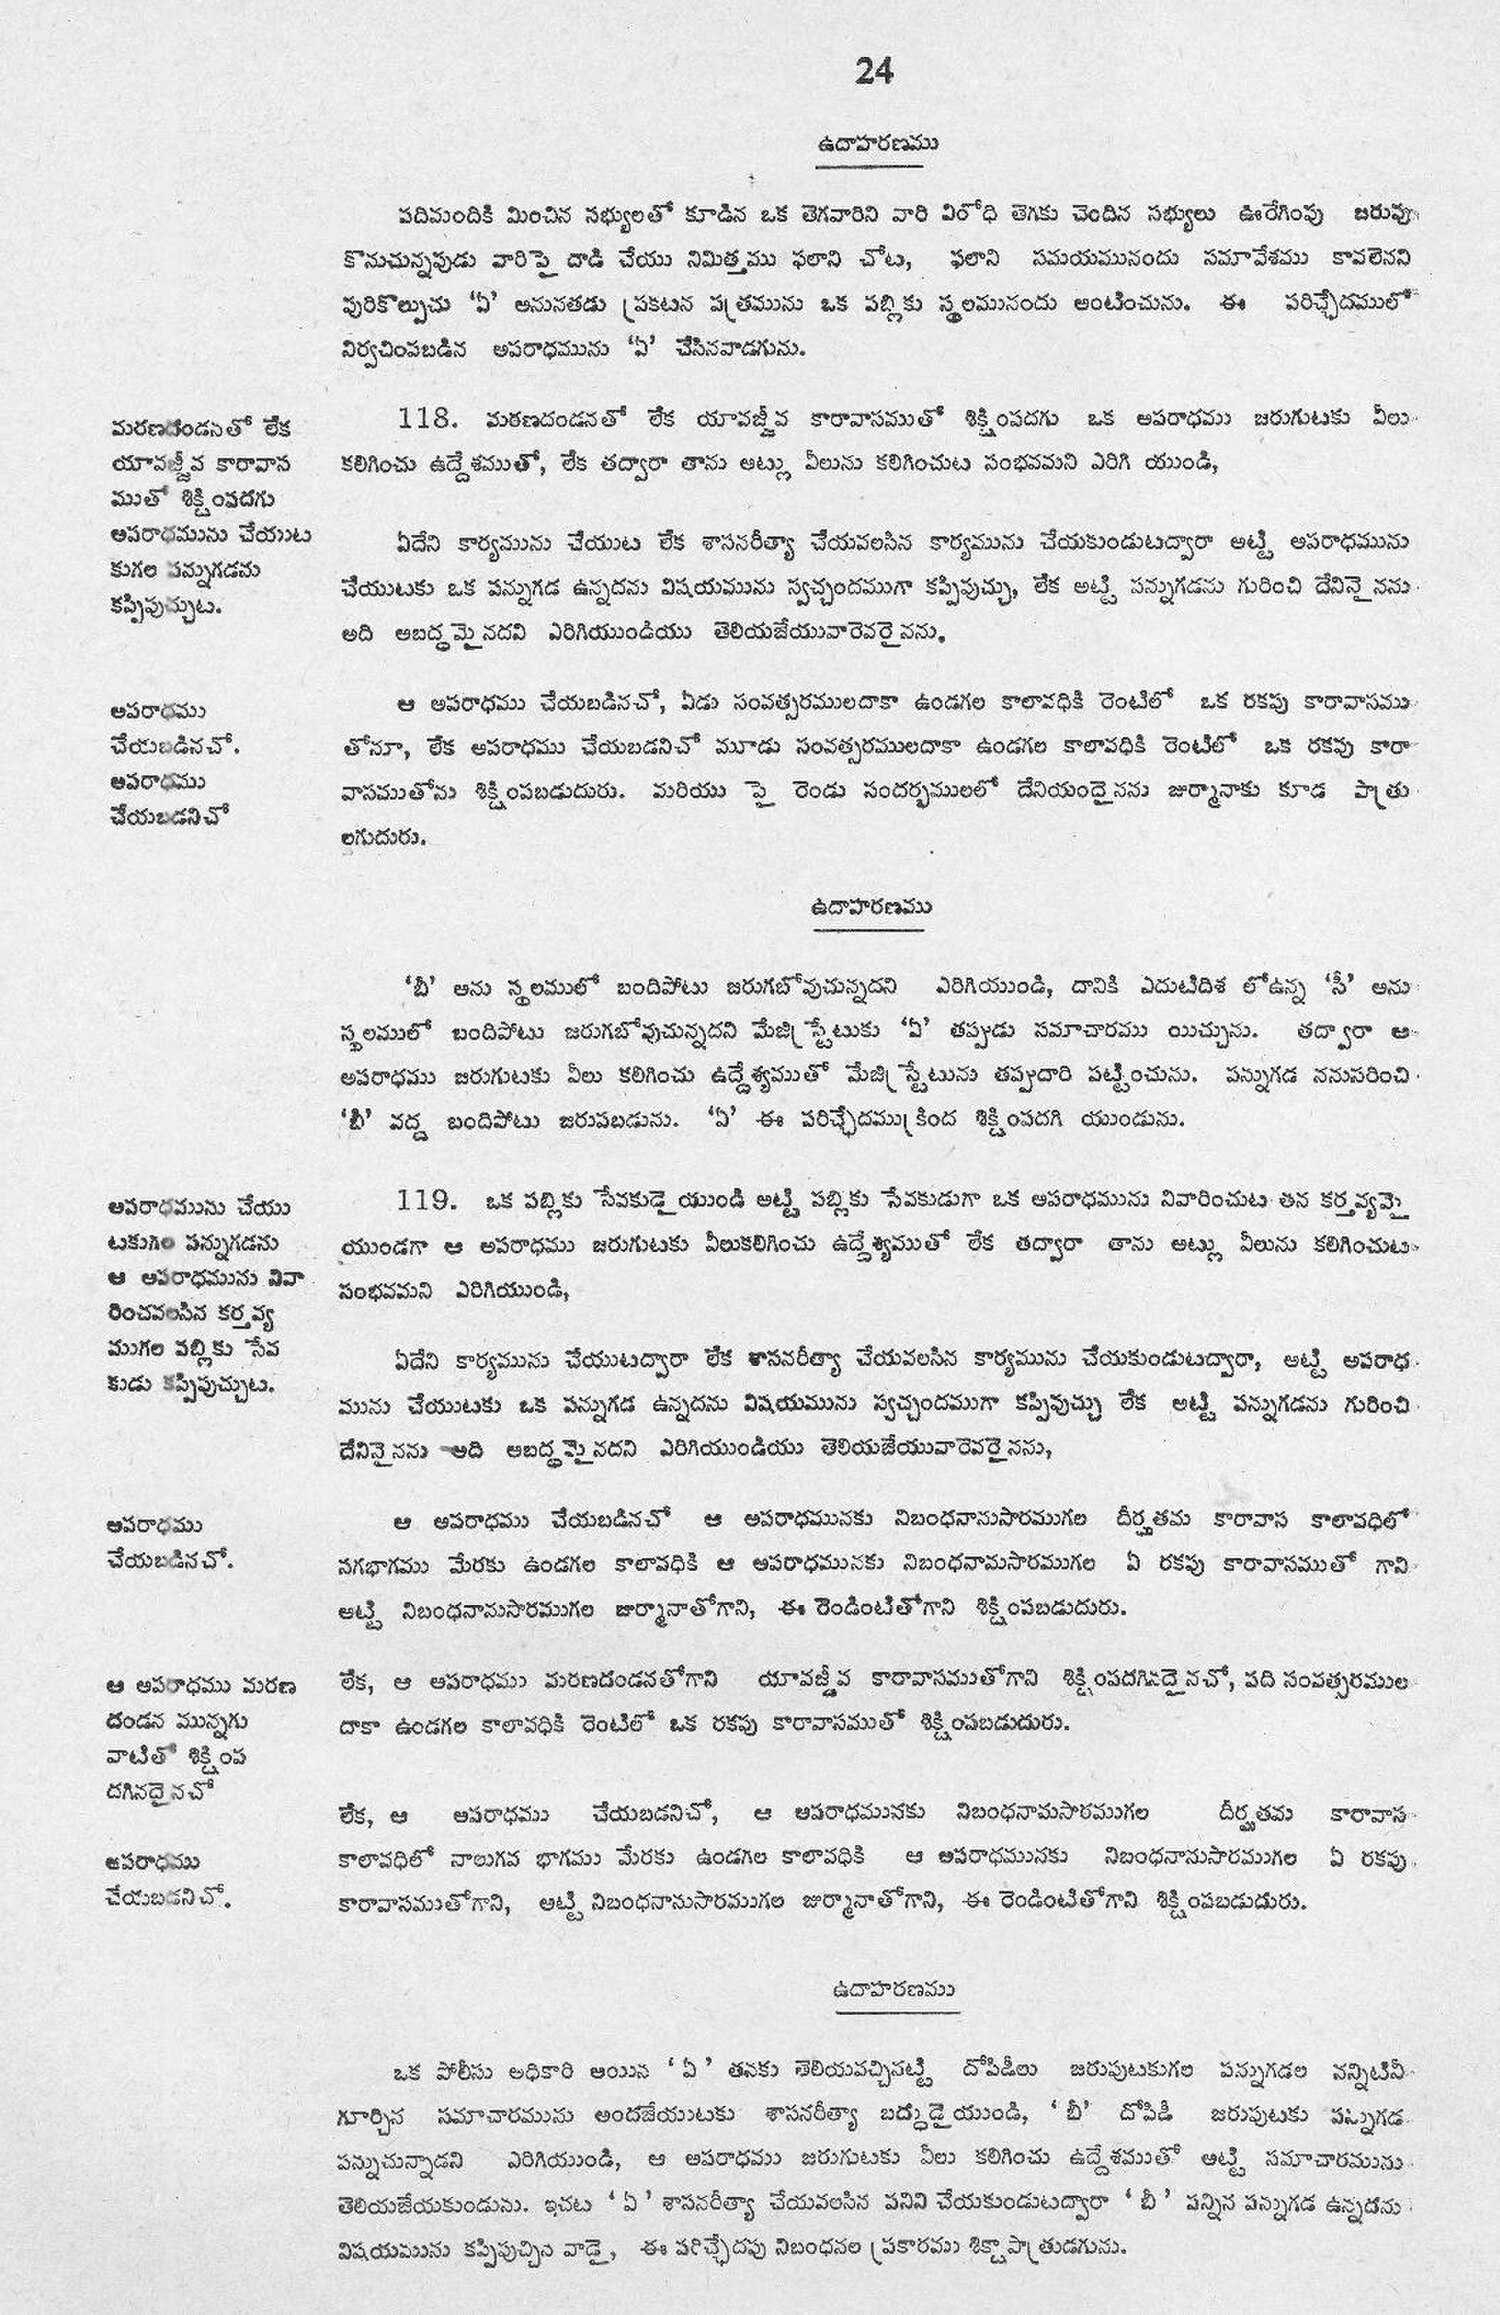పదిమందికి మించిన సభ్యులతో కూడిన ఒక తెగవారిని వారి విరోధి తెగకు చెందిన సభ్యులు ఊరేగింపు జరుపుకొను చున్నపుడు వారిపై దాడి చేయు నిమిత్తము ఫలాని చోట, ఫలాని సమయమునందు సమావేశము కావలెనని పురికొల్పుచు 'ఏ' అనునతడు ప్రకటన పత్రమును ఒక పబ్లికు స్థలమునందు అంటించును. ఈ పరిచ్ఛేదములో నిర్వచింపబడిన అపరాధమును 'ఏ' చేసినవాడగును.

మరణదండనతో లేక యావజ్జీవ కారావాసముతో శిక్షింపదగు అపరాధమును చేయుటకుగల పన్నుగడను కప్పిపుచ్చుట.

118. మరణదండనతో లేక యావజ్జీవ కారావాసముతో శిక్షింపదగు ఒక అపరాధము జరుగుటకు వీలు కలిగించు ఉద్దేశముతో, లేక తద్వారా తాను అట్లు వీలును కలిగించుట సంభవమని ఎరిగి యుండి,

ఏదేని కార్యమును చేయుట లేక శాససరీత్యా చేయవలసిన కార్యమును చేయకుండుటద్వారా అట్టి అపరాధమును చేయుటకు ఒక పన్నుగడ ఉన్నదను విషయమును స్వచ్ఛందముగా కప్పిపుచ్చు, లేక అట్టి పన్నుగడను గురించి దేనినై నను అది అబద్ధ మై నదని ఎరిగియుండియు తెలియజేయువారెవరైనను,

అపరాధము చేయబడినచో, అపరాధము చేయబడనిచో

ఆ అపరాధము చేయబడినచో, ఏడు సంవత్సరములదాకా ఉండగల కాలావధికి రెంటిలో ఒక రకపు కారావాసముతోనూ, లేక అపరాధము చేయబడనిచో మూడు సంవత్సరములదాకా ఉండగల కాలావధికి రెంటిలో ఒక రకపు కారావాసముతోను శిక్షింపబడుదురు. మరియు పై రెండు సందర్భములలో దేనియందైనను జుర్మానాకు కూడ పాత్రులగుదురు.

'బీ' అను స్థలములో బందిపోటు జరుగబోవుచున్నదని ఎరిగియుండి, దానికి ఎదుటిదిశ లోఉన్న 'సీ' అను స్థలములో బందిపోటు జరుగబోవుచున్నదని మేజిస్టేటుకు 'ఏ' తప్పుడు సమాచారము యిచ్చును. తద్వారా ఆ అపరాధము జరుగుటకు వీలు కలిగించు ఉద్దేశ్యముతో మేజిస్టేటును తప్పుదారి పట్టించుసు. పన్నుగడ ననుసరించి 'బి' వద్ద బందిపోటు జరుపబడును. 'ఏ' ఈ పరిచ్ఛేదము క్రింద శిక్షింపదగి యుండును.

అపరాధమును చేయుటకుగల పన్నుగడను ఆ అపరాధమును నివారించవలసిన కర్తవ్యముగల పబ్లికు సేవకుడు కప్పిపుచ్చుట.

119. ఒక పబ్లికు సేవకుడై యుండి అట్టి పబ్లికు సేవకుడుగా ఒక అపరాధమును నివారించుట తన కర్తవ్యమై యుండగా ఆ అపరాధము జరుగుటకు వీలు కలిగించు ఉద్దేశ్యముతో లేక తద్వారా తాను అట్లు వీలును కలిగించుట సంభవమని ఎరిగియుండి,

ఏదేని కార్యమును చేయుటద్వారా లేక శాసనరీత్యా చేయవలసిన కార్యమును చేయకుండుటద్వారా, అట్టి అపరాధమును చేయుటకు ఒక పన్నుగడ ఉన్నదను విషయమును స్వచ్చందముగా కప్పిపుచ్చు లేక అట్టి పన్నుగడను గురించి దేనినైనను "అది అబద్దమైనదని ఎరిగియుండియు తెలియజేయువారెవరైనను,

అపరాధము చేయబడినచో.

ఆ అపరాధము చేయబడినచో ఆ అపరాధమునకు నిబంధనానుసారముగల దీర్ఘ తమ కారావాస కాలావధిలో సగభాగము మేరకు ఉండగల కాలావధికి ఆ అపరాధమునకు నిబంధనానుసారముగల ఏ రకపు కారావాసముతో గాని అట్టి నిబంధనానుసారముగల జూర్మానాతోగాని, ఈ రెండింటితోగాని శిక్షింపబడుదురు.

ఆ అపరాధము మరణదండన మున్నగువాటితో శిక్షింపదగినదైనచో

లేక, ఆ అపరాధము మరణదండనతోగాని యావజ్జీవ కారావాసముతోగాని శిక్షింపదగినదైనచో, పది సంవత్సరముల
దాకా ఉండగల కాలావధికి రెంటిలో ఒక రకపు కారావాసముతో శిక్షింపబడుదురు.

అపరాధము చేయబడనిచో.

లేక, ఆ అపరాధము చేయబడనిచో, ఆ అపరాధమునకు నిబంధనామసారముగల దీర్ఘతమ కారావాస కాలావధిలో నాలుగవ భాగము మేరకు ఉండగల కాలావధికి ఆ అపరాధమునకు నిబంధనానుసారముగల ఏ రకపు కారావాసముతో గాని, అట్టి నిబంధనానుసారముగల జుర్మానా తో గాని, ఈ రెండింటితోగాని శిక్షింపబడుదురు.

ఒక పోలీసు అధికారి అయిన ' ఏ ' తనకు తెలియవచ్చినట్టి దోపిడీలు జరుపుటకుగల పన్నుగడల నన్నిటినీ గూర్చిన సమాచారమును అందజేయుటకు శాసనరీత్యా బద్దుడై యుండి, 'బీ' దోపిడీ జరుపుటకు పన్నుగడ పన్నుచున్నాడని
ఎరిగియుండి, ఆ అపరాధము జరుగుటకు వీలు కలిగించు ఉద్దేశముతో అట్టి సమాచారమును తెలియజేయకుండును. ఇచట 'ఏ ' శాసనరీత్యా చేయవలసిన పనిని చేయకుండుటద్వారా ' బీ ' పన్నిన పన్నుగడ ఉన్నదను విషయమును కప్పిపుచ్చిన వాడై, ఈ పరిచ్ఛేదపు నిబంధనల ప్రకారము శిక్షా పాత్రుడగును.